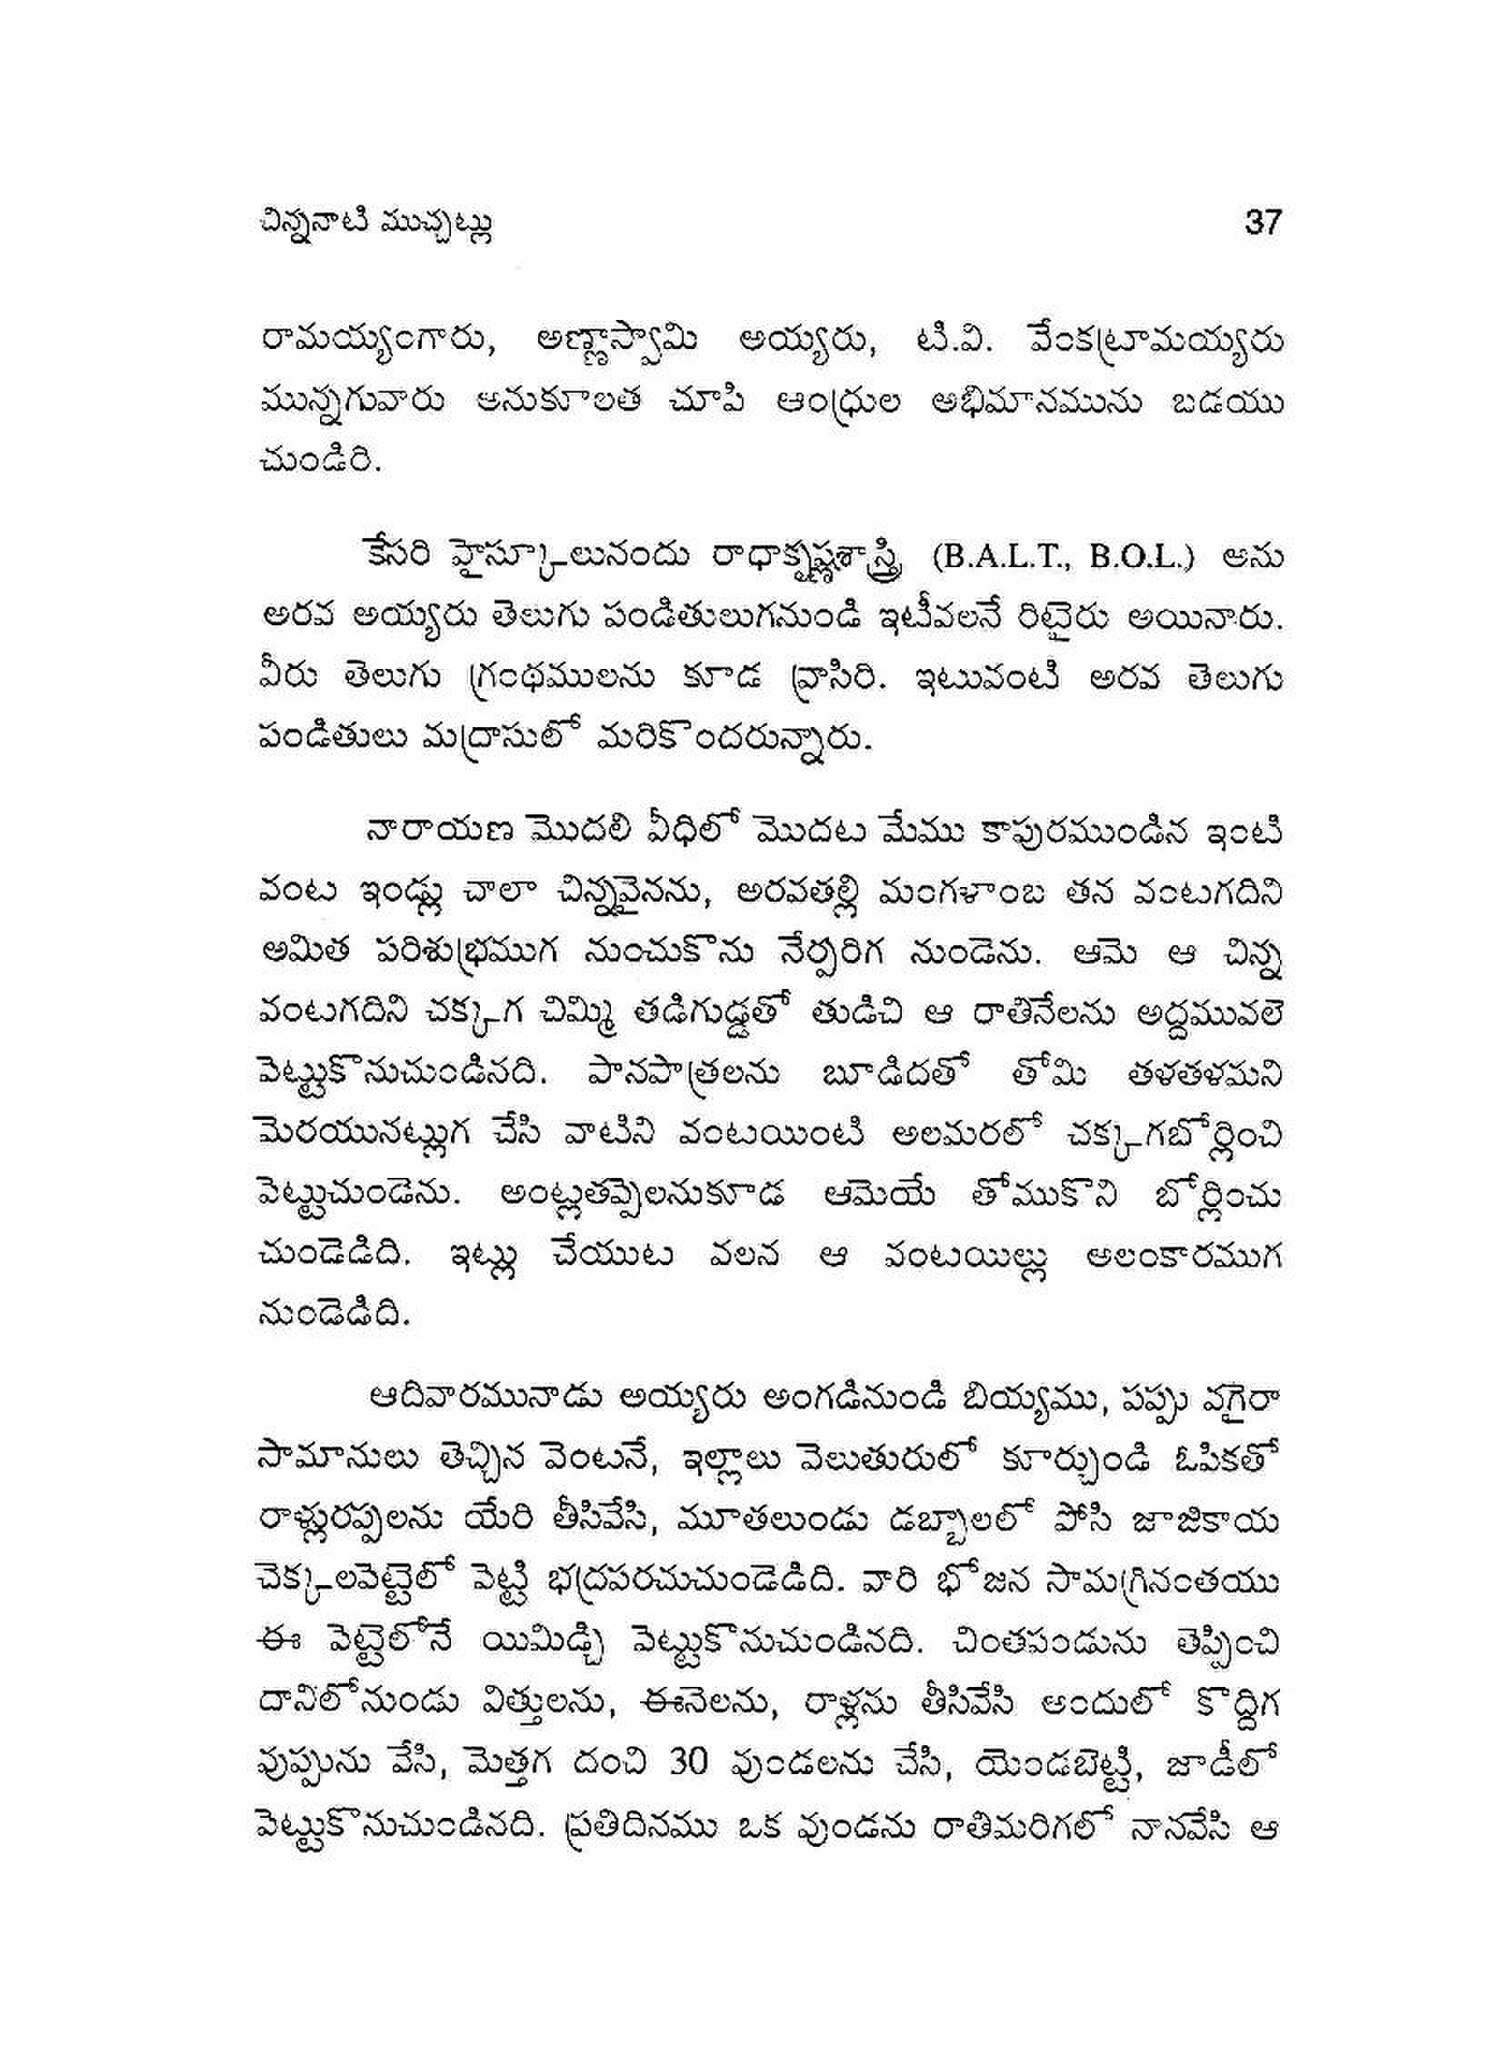రామయ్యంగారు, అణ్ణాస్వామి అయ్యరు, టి.వి. వేంకట్రామయ్యరు మున్నగువారు అనుకూలత చూపి ఆంధ్రుల అభిమానమును బడయుచుండిరి.

కేసరి హైస్కూలునందు రాధాకృష్ణశాస్త్రి (B.A.L.T., B.O.L.) అరవ అయ్యరు తెలుగు పండితులుగనుండి ఇటీవలనే రిటైరు అయినారు. వీరు తెలుగు గ్రంథములను కూడ వ్రాసిరి. ఇటువంటి అరవ తెలుగు పండితులు మద్రాసులో మరికొందరున్నారు.

నారాయణ మొదలి వీధిలో మొదట మేము కాపురముండిన ఇంటి వంట ఇండ్లు చాలా చిన్నవైనను, అరవతల్లి మంగళాంబ తన వంటగదిని అమిత పరిశుభ్రముగ నుంచుకొను నేర్పరిగ నుండెను. ఆమె ఆ చిన్న వంటగదిని చక్కగ చిమ్మి తడిగుడ్డతో తుడిచి ఆ రాతినేలను అద్దమువలె పెట్టుకొనుచుండినది. పానపాత్రలను బూడిదతో తోమి తళతళమని మెరయునట్లుగ చేసి వాటిని వంటయింటి అలమరలో చక్కగబోర్లించి పెట్టుచుండెను. అంట్లతప్పెలనుకూడ ఆమెయే తోముకొని బోర్ణించుచుండెడిది. ఇట్లు చేయుట వలన ఆ వంటయిల్లు అలంకారముగ నుండెడిది.

ఆదివారమునాడు అయ్యరు అంగడినుండి బియ్యము, పప్పు వగైరా సామానులు తెచ్చిన వెంటనే, ఇల్లాలు వెలుతురులో కూర్చుండి ఓపికతో రాళ్ళు రప్పలను యేరి తీసివేసి, మూతలుండు డబ్బాలలో పోసి జాజికాయ చెక్కలపెట్టెలో పెట్టి భద్రపరచుచుండెడిది. వారి భోజన సామగ్రినంతయు ఈ పెట్టెలోనే యిమిడ్చి పెట్టుకొనుచుండినది. చింతపండును తెప్పించి దానిలోనుండు విత్తులను, ఈనెలను, రాళ్లను తీసివేసి అందులో కొద్దిగ వుప్పును వేసి, మొత్తగ దంచి 30 వుండలను చేసి, యెండబెట్టి, జాడీలో పెట్టుకొనుచుండినది. ప్రతిదినము ఒక వుండను రాతిమరిగలో నానవేసి ఆ